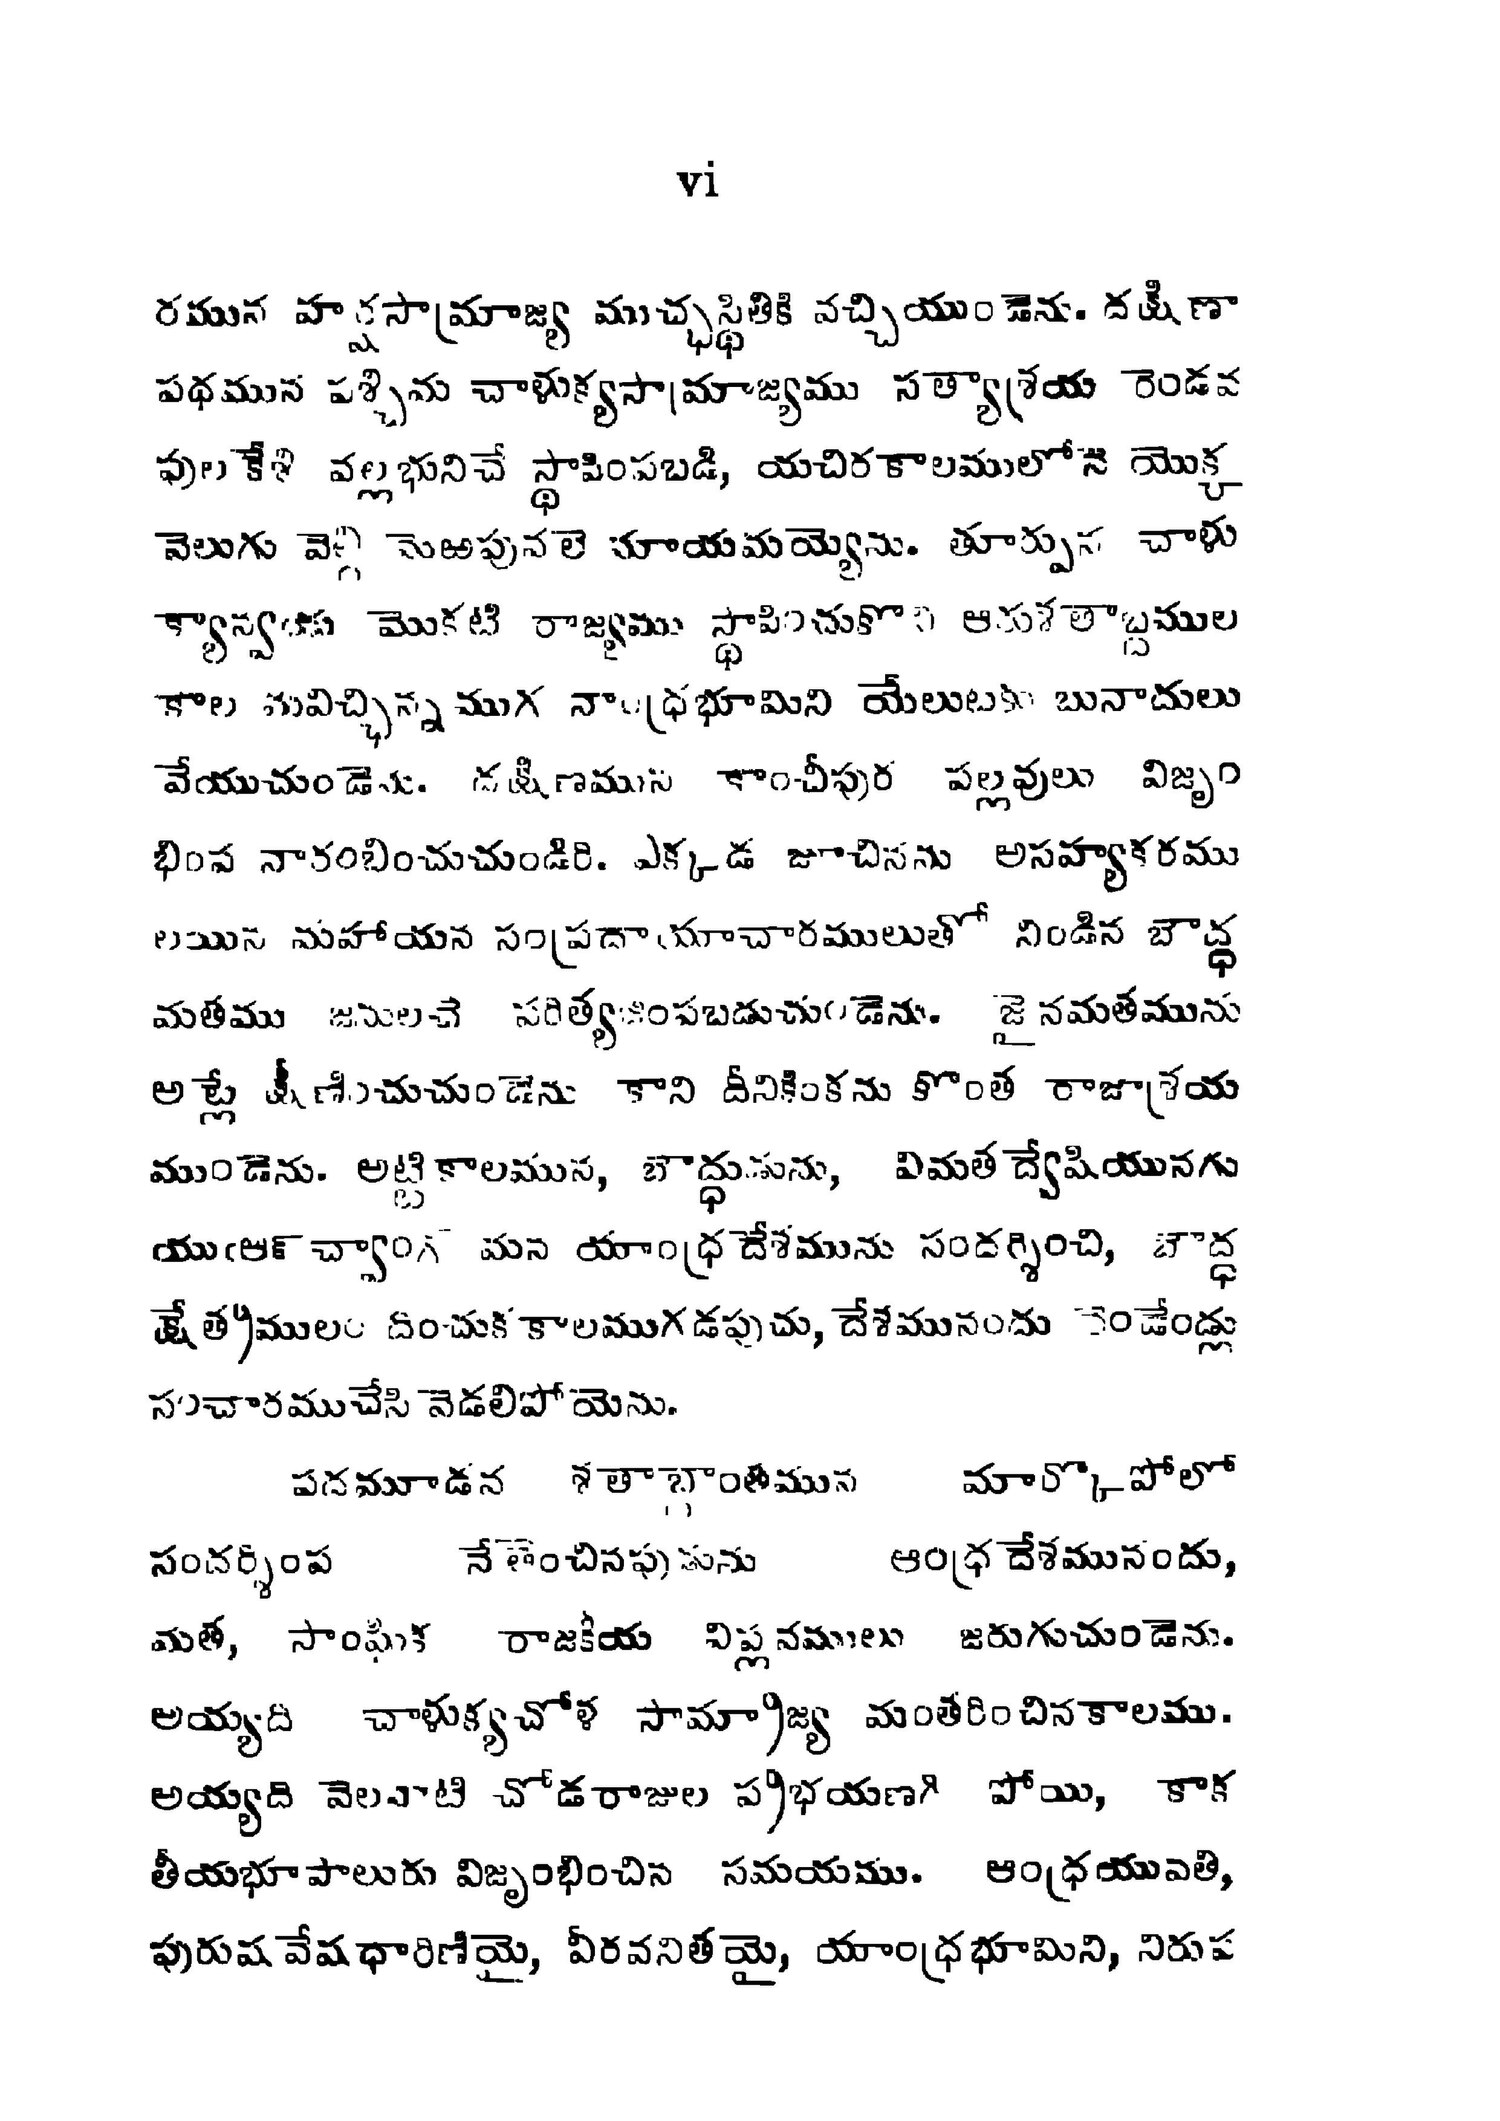రమునహర్ష సామ్రాజ్య ముచ్ఛస్థితికి వచ్చియుండెను.దక్షిణాపథమున పశ్చిమ చాళుక్య సామ్రాజ్యము సత్యాశ్ర య రెండవ పులకేశి వల్లభునిచే స్థాపింపబడి,ఉఅచిరకాలంలోనే యొక్క వెలుగు వెల్గి మెఱపువలె మామమ య్యెను. తూర్పున చాళుక్యాన్వయ మొకటి రాజ్యముస్థాపించుకొని ఆరు శతాబ్దములకాల మవిచ్ఛిన్నముగ నాంధ్రభూమిని యేలుటకు బునాదులు వేయుచుండెను.దక్షిణమున కాంచీపుర పల్లవులు విజృంభింప నారంభిం
చుచుండిరి.ఎక్కడజూచినను అసహ్యకరములయిన మహాయాన సంప్రదాయాచారములుతో నిండిన బౌద్ధమతము జనులచే పరిత్యజింపబడుచుండెను. జైనమతమును అట్లే క్షీణించుచుండెను. కాని దీనికింకను కొంత రాజాశ్రయ ముండెను. అట్టికాలమున,బౌద్ధుడును,విమతద్వేషియునగు యుఁఆ౯చాంగ్‌ మన యాంధ్రదేశమును సందర్శిం చి, బౌద్ధక్షేత్రములందించుక కాలముగడుపుచు,దేశమునందు రెండేండ్లు సంచారము చేసి వెడలిపోయెను.

పదమూడవ శతాబ్దాంతమున మార్కొపోలో సందర్శింప నేతెంచినపుడును ఆంధ్రదేసమునందు, మత, సాంఘిక రాజకీయ విప్లములు జరుగుచుండెను.అయ్యది చాళుక్యచోళ సామ్రాజ్యమంతరించిన కాలము.అయ్యది వెలనాటి చోడరాజుల ప్రయభణగిపోయి, కాకతీయభూపాలురు విజృంభించిన సమయము.ఆంధ్ర యువతి, పురుషవేష ధారిణియై, వీరవనితయై, యాంధ్రభూమిని,నిరుపప